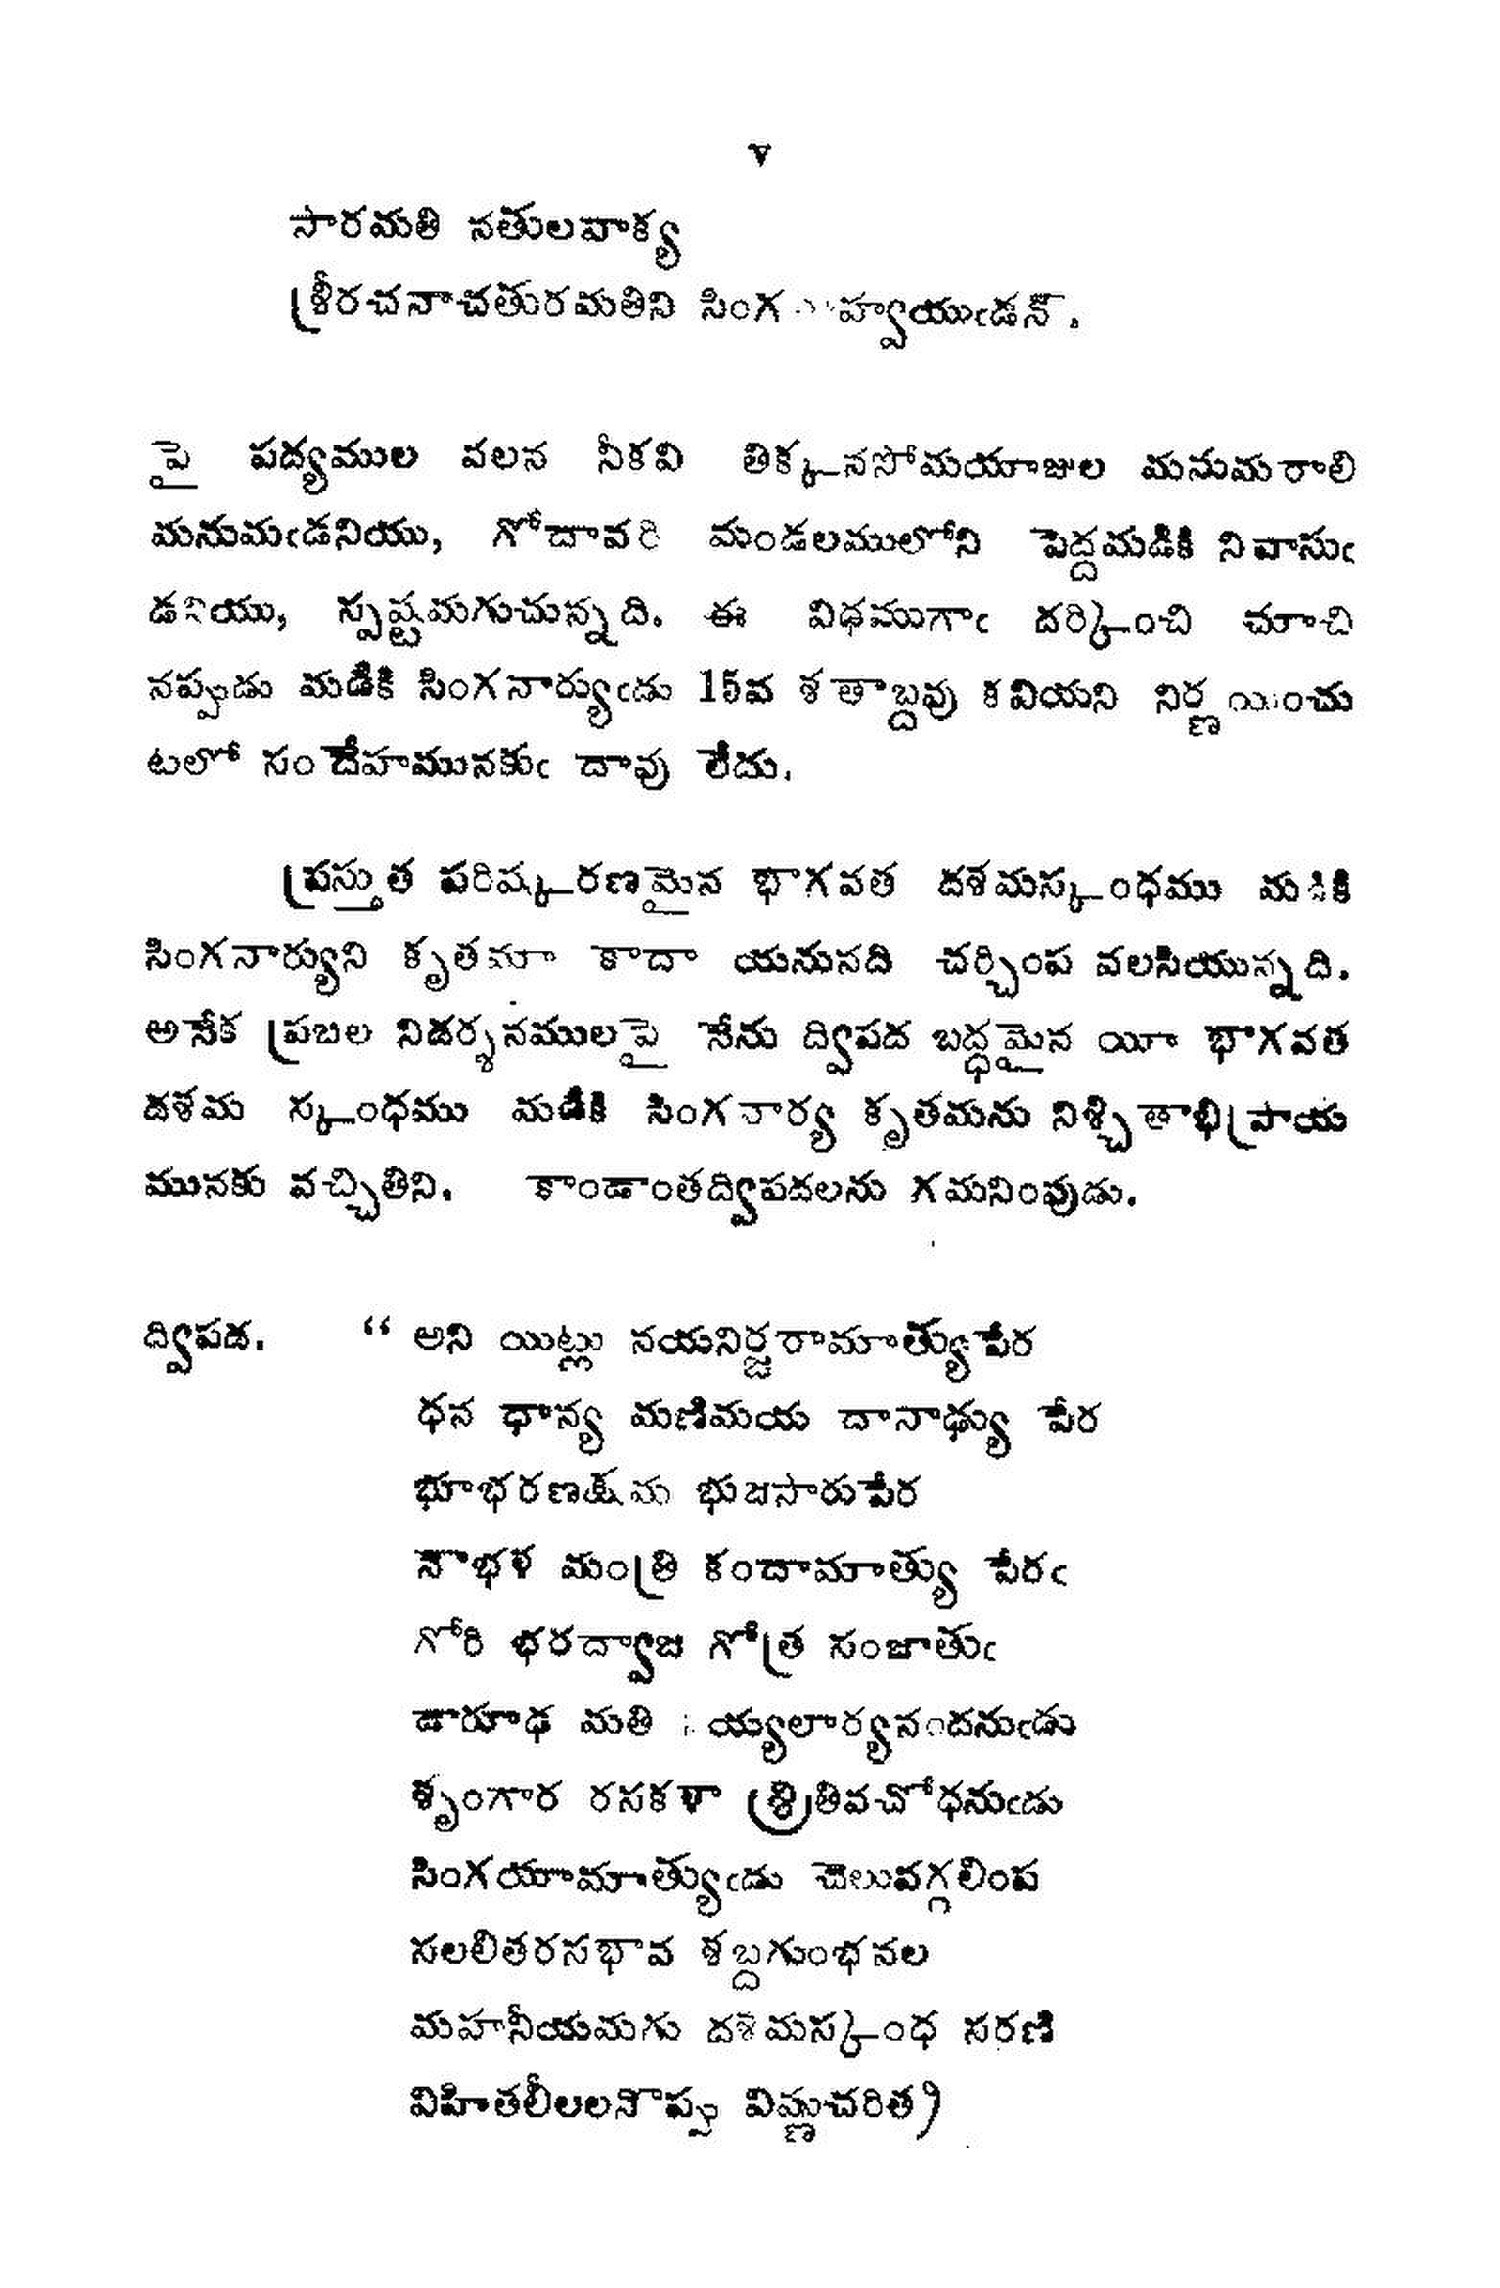పై పద్యముల వలన నీ కవి తిక్కనసోమయాజుల మనుమరాలి మనుమఁడనియు, గోదావరి మండలములోని పెద్దమడికి నివాసుఁడనియు, స్పష్టమగుచున్నది. ఈ విధముగాఁ దర్కించి చూచినపుడు మడికి సింగనార్యుఁడు 15వ శతాబ్దపు కవియని నిర్ణయించుటలో సందేహమునకుఁ దావు లేదు.

ప్రస్తుత పరిష్కరణమైన భాగవత దశమస్కంధము మడికి సింగనార్యుని కృతమా కాదా యనునది చర్చింప వలసియున్నది. అనేక ప్రబల నిదర్శనములపై నేను ద్విపద బద్ధమైన యీ భాగవత దశమస్కంధము మడికి సింగనార్య కృతమను నిశ్చితాభిప్రాయమునకు వచ్చితిని. కాండాంతద్విపదలను గమనింపుడు.